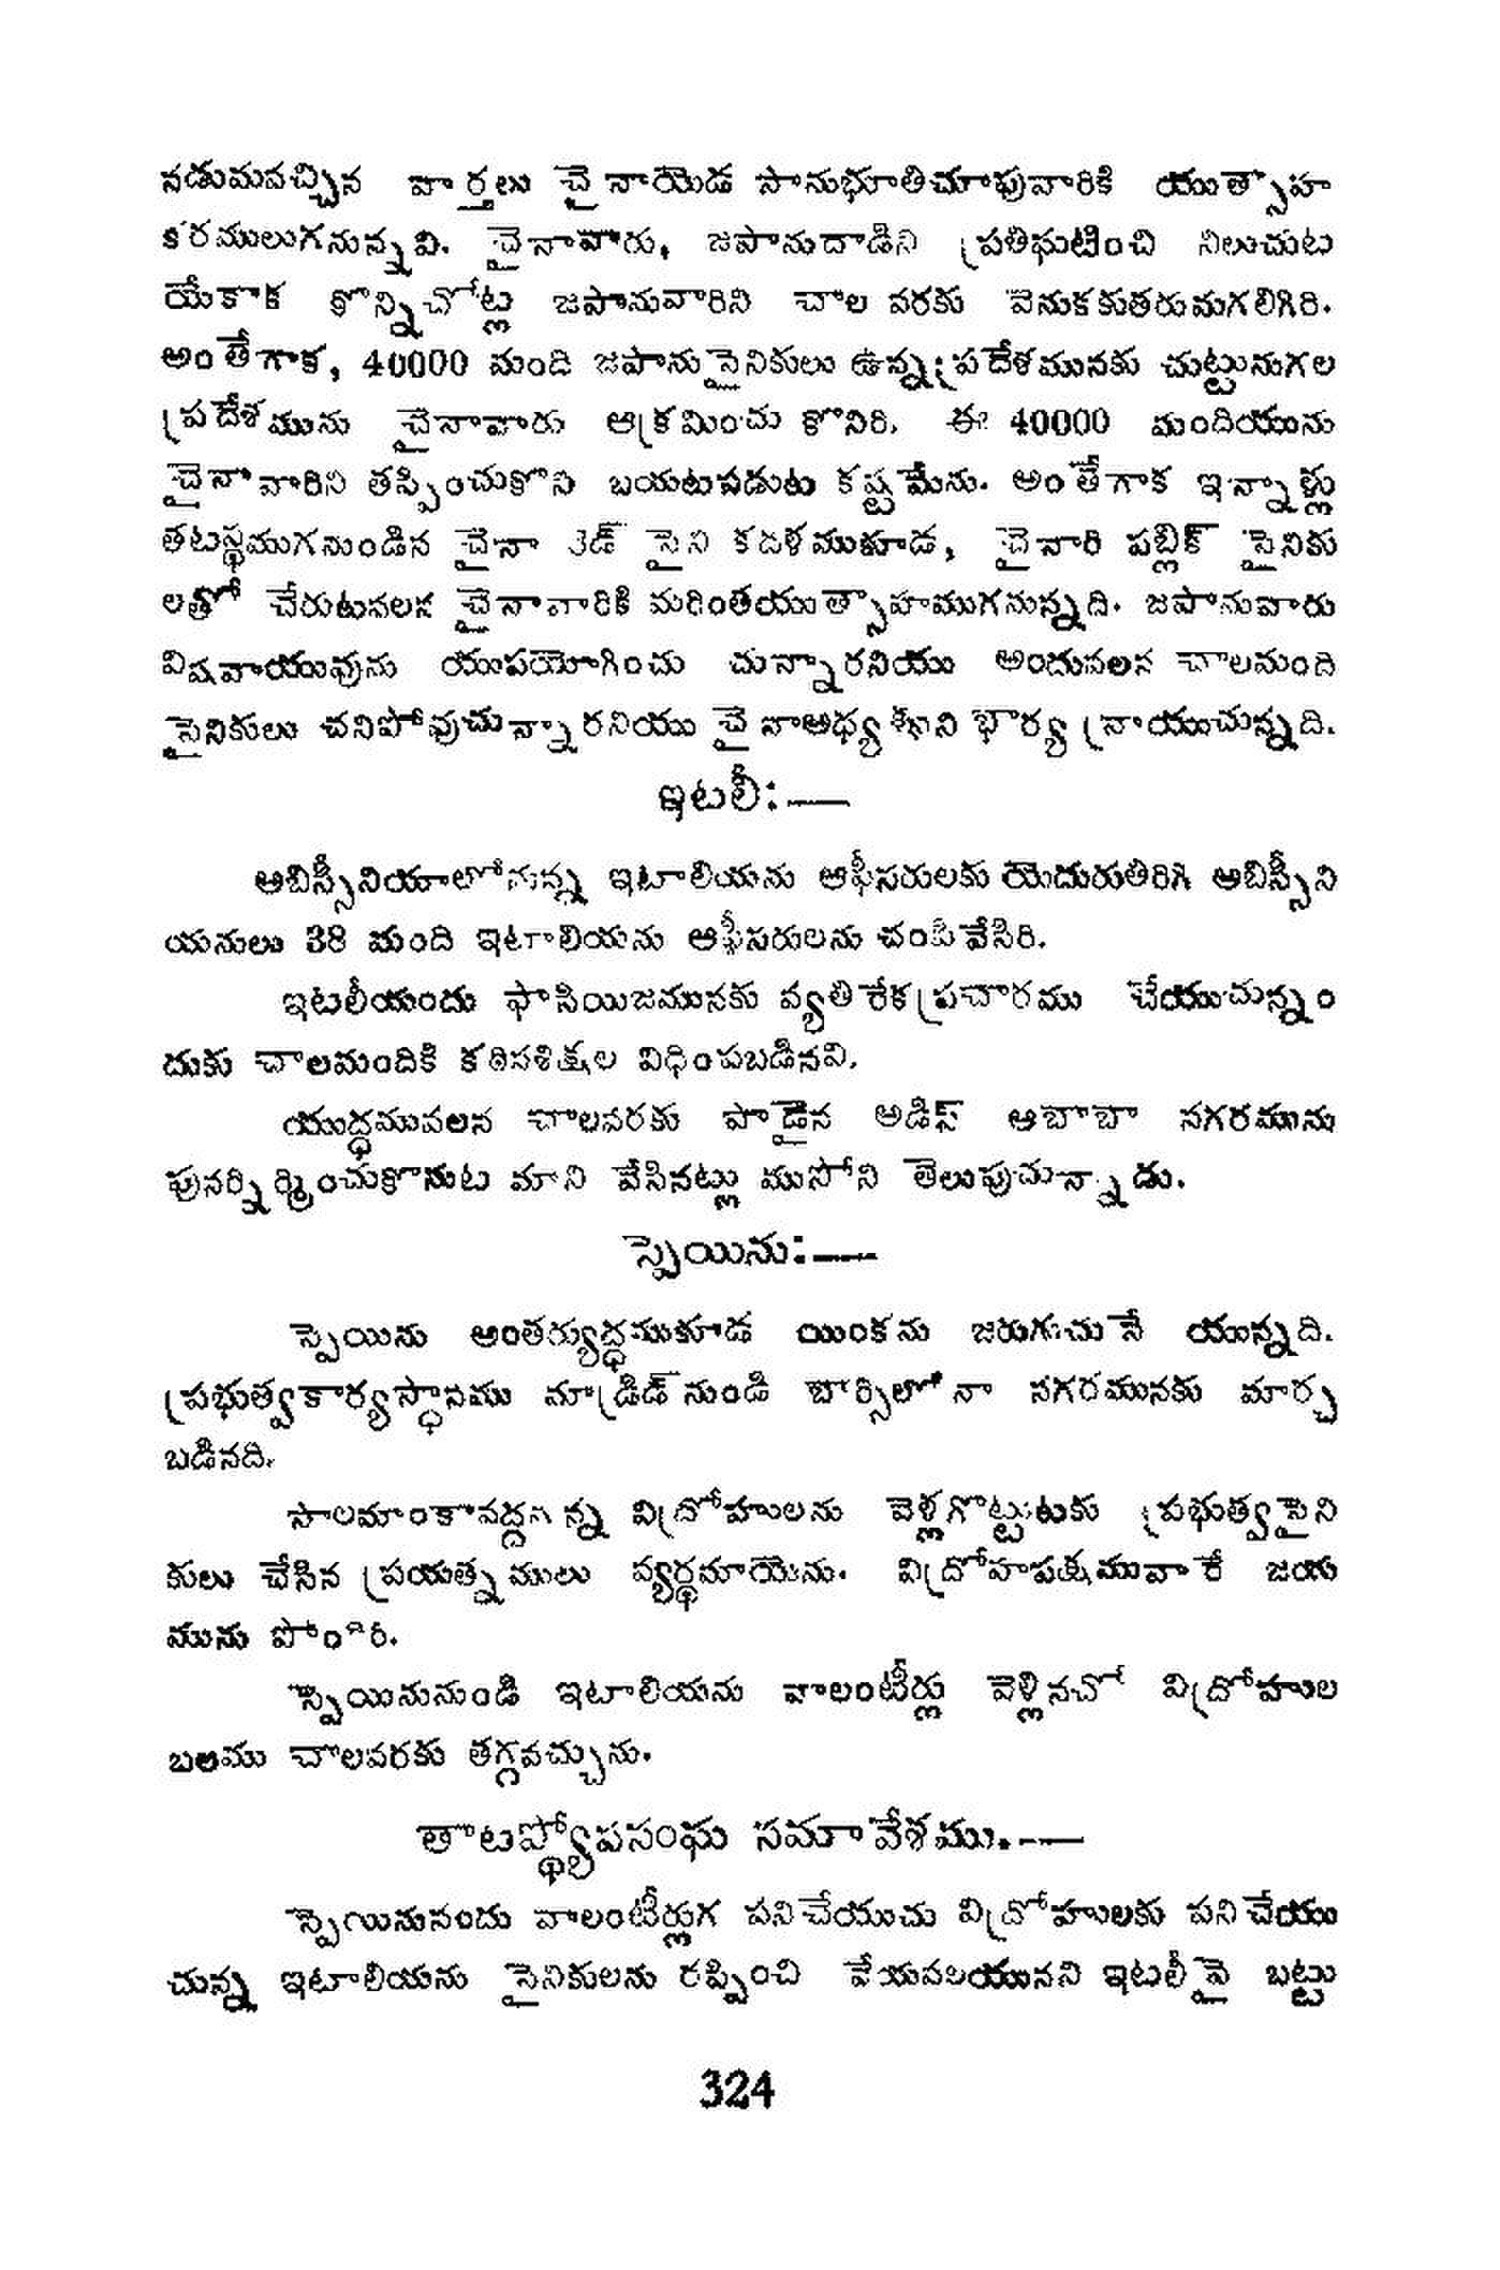నడుమునవచ్చిన వార్తలు చైనాయెడ సానుభూతిచూపువారికి యుత్సాహ కరములుగనున్నవి. చైనావారు, జపానుదాడిని ప్రతిఘటించి నిలుచుటయేకాక కొన్నిచోట్ల జపానువారిని చాలావరకు వెనుకకుతరుమగలిగిరి. అంతేగాక, 40000 మంది జపాను సైనికులు ఉన్నప్రదేశమునకు చుట్టునుగల ప్రదేశమును చైనావారు ఆక్రమించు కొనిరి. ఈ 40000 మందియును చైనావారిని తప్పించు కొని బయటబడుట కష్టమేను. అంతేగాక ఇన్నాళ్లు తటస్థముగనుండిన చైనా రెడ్ సైనికదళముకూడ, చైనావారి పబ్లిక్ సైనికులతో చేరుటవలన చైనావారికి మరింత యుత్సాహముగనున్నది. జపానువారు విషవాయువును యుపయోగించు చున్నారనియు అందువలన చాలమంది సైనికులు చనిపోవుచున్నారనియు చైనా అధ్యక్షుని భార్య వ్రాయుచున్నది.
 ఇటలీ:-
 అబ్నిస్సీనియాలోనున్న ఇటాలియను ఆఫీసరులకు యెదురుతిరిగి ఆబెస్సీని యనులు 38 మంది ఇటాలియను ఆఫీసరులను చంపివేసిరి.
 ఇటలీయందు ఫాసియిజమునకు వ్వతిరేకప్రచారము చేయుచున్నందుకు చాలమందికి కఠినశిక్షల విధింపబడినవి.
 యుద్దమువలన చాలవరకు పాడైన ఆడిస్ అబాబా నగరమును పునర్నిర్మించుకొనుట మాని వేసినట్లు ముసొని తెలుపూన్నాడు.
 స్పెయిను:-
 స్పెయిను అంతర్యుద్ధముకూడ యింకను జరుగుచునే యున్నది. ప్రభుత్వ కార్యస్థానము మాడ్రిడ్ నుండి బార్సిలో నా నగరమునకు మార్చబడినది.
 సాలమాలకారవద్దనున్న విద్రోహులను వెళ్లగొట్టుటకు ప్రభుత్వసైనికులు చేసిన ప్రయత్నములు వ్యర్ధమాయెను. విద్రోహపక్షమువారే జయమును పొందిరి.
 స్పెయినునుండి ఇటాలియను వాలంటీర్లు వెళ్లినచో విద్రోహుల బలము చాల వరకు తగ్గవచ్చును.
 తాటప్ధ్యోపసంఘ సమావేశము:-
 స్పెయినునందు వాలంటీర్లుగ పనిచేయుచు విద్రోహులకు పనిచేయుచున్న ఇటాలియను సైనికులను రప్పించి వేయవలయునని ఇటలీపై బట్టు